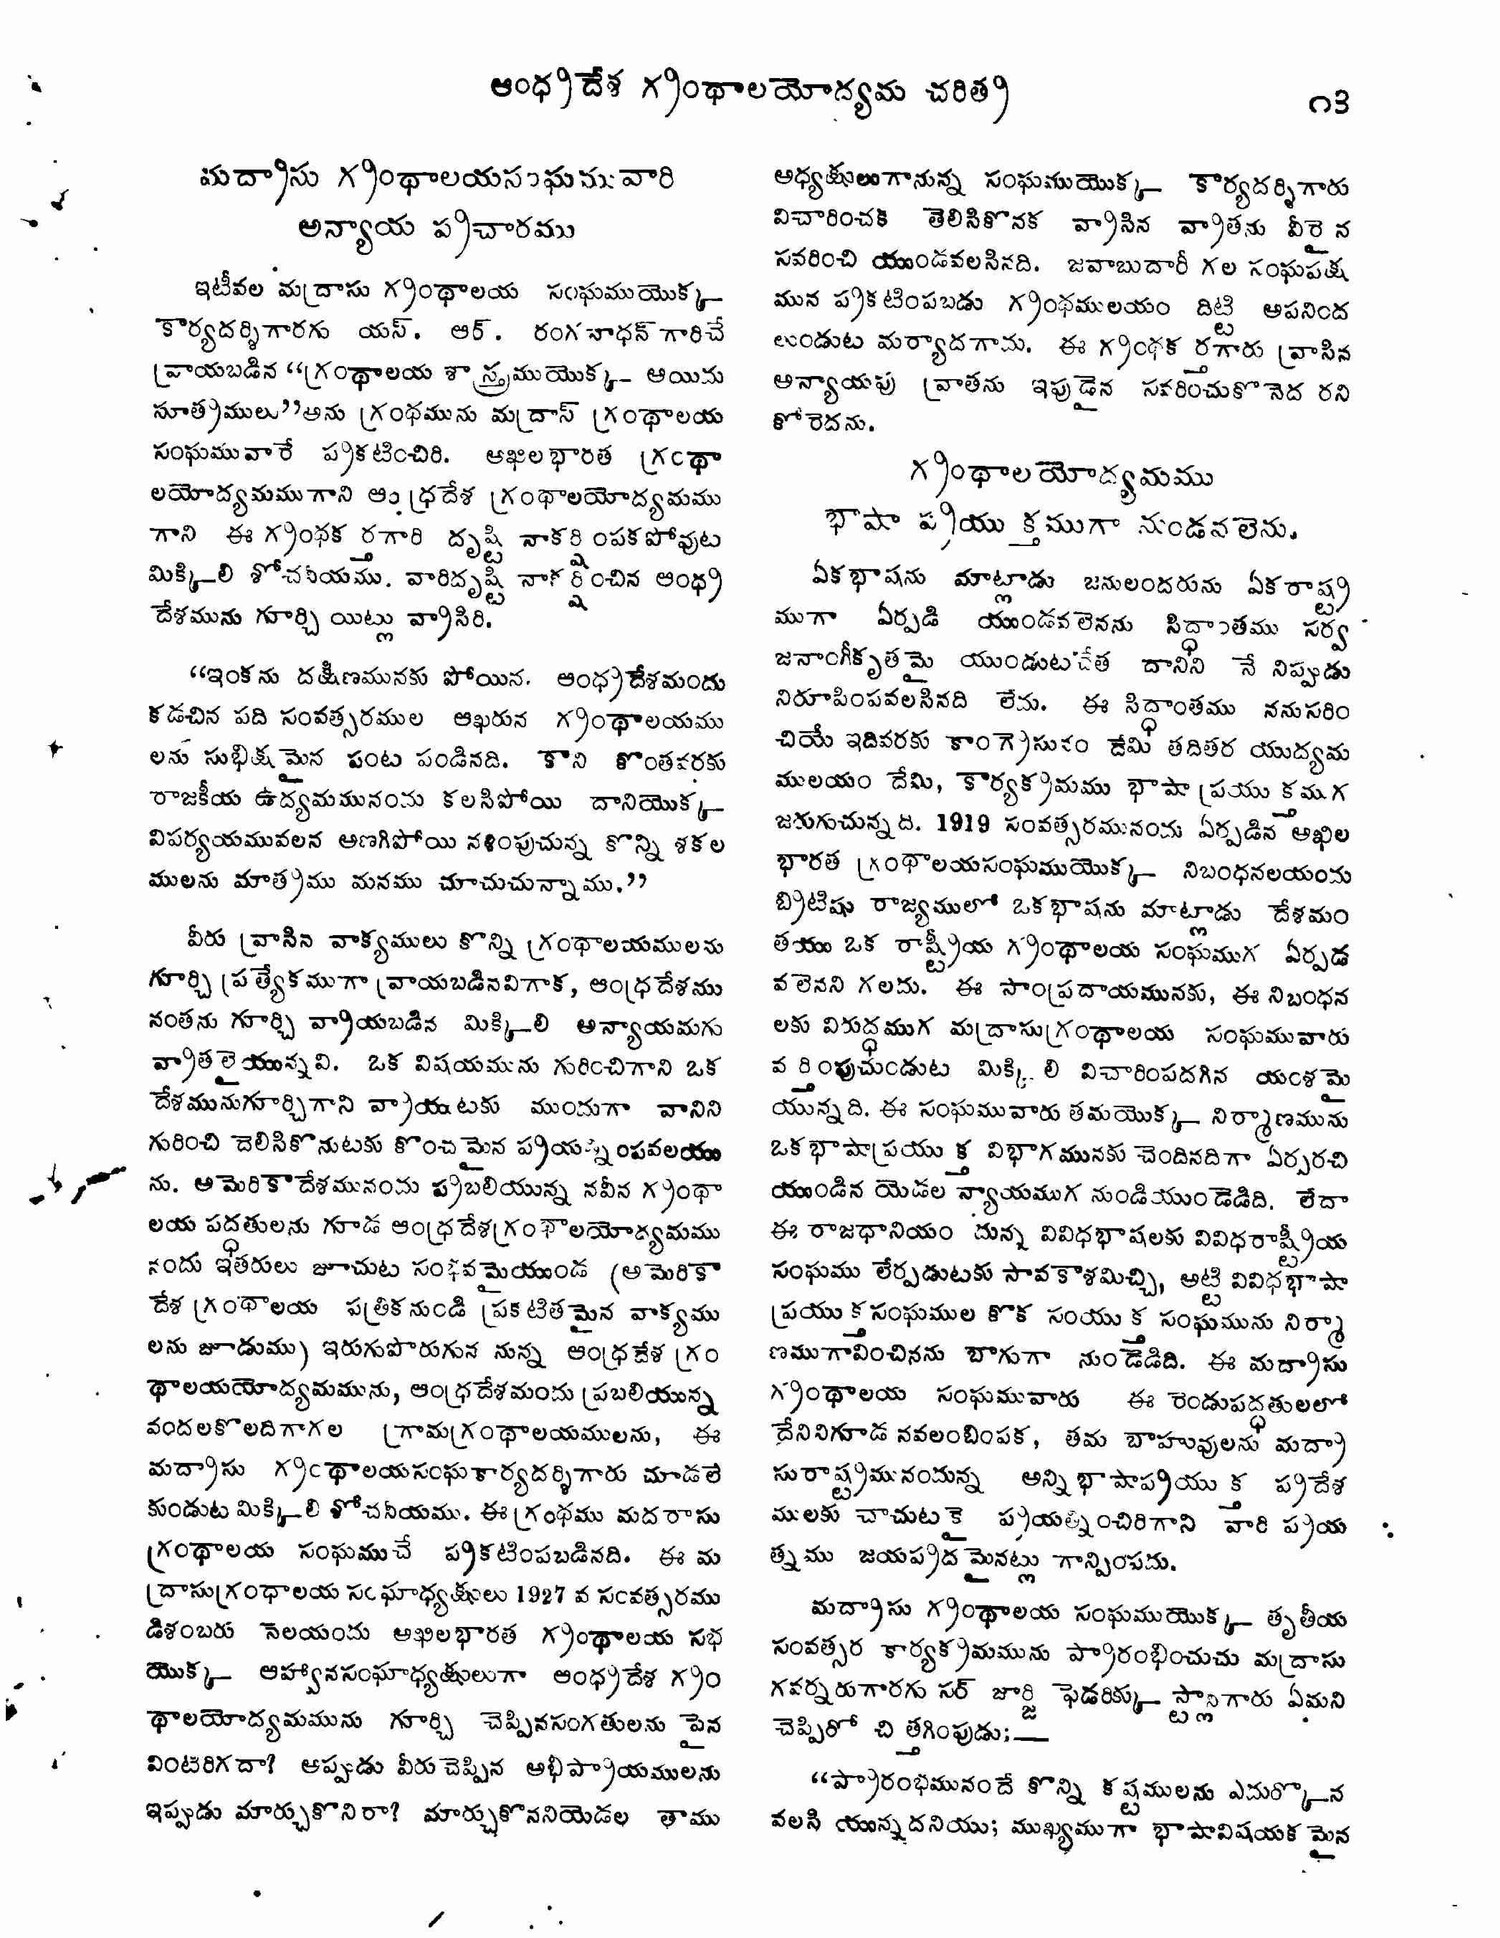ఇటీవల మద్రాసు గ్రంథాలయ సంఘము యొక్క కార్యదర్శిగారగు యస్. ఆర్. రంగ నాధన్ గారిచే వ్రాయబడిన “గ్రంథాలయ 
శాస్త్రము యొక్క - ఆయిను సూత్రములు" అను గ్రంథమును మద్రాస్ గ్రంథాలయ సంఘము వారే ప్రకటించిరి. ఆఖిల భారత గ్రంథా
లయోద్యమము గాని ఆంధ్రదేశ గ్రంథాలయోద్యమము గాని ఈ గ్రంధకర్త గారి దృష్టి నాకర్షింపకపోవుట మిక్కిలి శోచనీయము. వారిదృష్టి నాకరించిన ఆంధ్ర దేశమును గూర్చి యిట్లు వ్రాసిరి.

"ఇంకను దక్షిణమునకు పోయిన ఆంధ్ర దేశమందు కడచిన పది సంవత్సరముల ఆఖరున గ్రంథాలయములను సుభిక్షమైన పంట పండినది. కాని కొంతవరకు రాజకీయ ఉద్యమమునందు కలసిపోయి దానియొక్క విపర్యయమువలన అణగిపోయి నశింపుచున్న 
కొన్ని శకలములను మాత్రము మనము చూచుచున్నాము.” వీరు వ్రాసిన వాక్యములు కొన్ని గ్రంథాలయములను గూర్చి ప్రత్యేకముగా వ్రాయబడినవి గాక, ఆంధ్ర దేశము నంతను గూర్చి వ్రాయబడిన మిక్కిలి అన్యాయమగు వ్రాతలై యున్నవి. ఒక విషయమును గురించిగాని ఒక దేశమును గూర్చిగాని వాయుటకు ముందుగా వానిని గురించి దెలిసికొనుటకు కొంచెమైన ప్రయన్నింపవలయును. 
ఆమెరికా దేశమునందు ప్రబలియున్న నవీన గ్రంథాలయ పద్దతులను గూడ ఆంధ్రదేశ గ్రంథాలయోద్యమము నందు ఇతరులు జూచుట సంభవమైయుండ (అమెరికా దేశ గ్రంథాలయ పత్రికనుండి ప్రకటితమైన వాక్యములను జూడుము) ఇరుగుపొరుగున నున్న ఆంధ్రదేశ 
గ్రంథాలయయోద్యమమును, ఆంధ్రదేశమందు ప్రబలియున్న వందల కొలదిగాగల గ్రామగ్రంథాలయములను, ఈ మద్రాసు గ్రంథాలయ సంఘ కార్యదర్శిగారు చూడలేకుండుట మిక్కిలి శోచనీయము. ఈ గ్రంథము మదరాసు గ్రంథాలయ సంఘముచే ప్రకటింపబడినది. ఈ మద్రాసుగ్రంధాలయ సఁఘాధ్యక్షులు 1927 వ సంవత్సరము డిశంబరు నెలయందు అఖిలభారత గ్రంథాలయ సభ
యొక్క ఆహ్వాన సంఘాధ్యక్షులుగా ఆంధ్ర దేశ గ్రంథాలయోద్యమమును గూర్చి చెప్పిన సంగతులను పైన వింటరిగదా? అప్పుడు వీరు చెప్పిన అభిప్రాయములను ఇప్పుడు మార్చుకొని రా? మార్చుకొననియెడల తాము విచారించ అధ్యక్షులుగానున్న సంఘము యొక్క కార్యదర్శి గారు తెలిసికొనక వ్రాసిన వ్రాతను వీరైన సవరించి యుండవలసినది. జవాబుదారీ గల సంఘ పక్షుమున ప్రకటింపబడు గ్రంథములయం దిట్టి అపనింద లుండుట మర్యాదగాను. ఈ గ్రంధకర్తగారు వ్రాసిన అన్యాయపు వ్రాతను ఇపుడైన సవరించుకొనెదరని
కోరెదను.

ఏక భాషను మాట్లాడు జనులందరును ఏక రాష్ట్రముగా ఏర్పడి యుండవలెనను సిద్ధాంతము సర్వజనాంగీకృతమై యుండుటచేత 
దానిని నే నిప్పుడు నిరూపింపవలసినది లేదు. ఈ సిద్ధాంతము ననుసరించియే ఇదివరకు కాంగ్రెసు నందేమి తదితర 
యుద్యమములయం దేమి, కార్యక్రమము భాషా ప్రయుక్తముగ జగుగుచున్నది. 1919 సంవత్సరమునందు ఏర్పడిన అఖిల భారత గ్రంథాలయ సంఘము యొక్క నిబంధనల యందు బ్రిటిషు రాజ్యములో ఒక భాషను మాటాడు దేశమంతయు ఒక రాష్ట్రీయ గ్రంథాలయ సంఘముగ ఏర్పడ వలెనని గలదు. ఈ సాంప్రదాయమునకు, ఈ నిబంధనలకు విరుద్దముగ మద్రాసు గ్రంథాలయ సంఘము వారు
వర్తింపుచుండుట మిక్కిలి విచారింపదగిన యంళమై యున్నది. ఈ సంఘము వారు తమయొక్క నిర్మాణమును ఒక భాషా ప్రయుక్త విభాగమునకు చెందినదిగా ఏర్పరచి యుండిన యెడల న్యాయముగ నుండి యుండెడిది లేదా ఈ రాజధానియందున్న వివిధ భాషలకు వివిధ రాష్ట్రీయ సంఘము లేర్పడుటకు సావకాశమిచ్చి, అట్టి వివిధ భాషాప్రయుక్త సంఘముల కొక సంయుక్త సంఘమును నిర్మాణము గావించినను బాగుగా నుండెడిది. ఈ మద్రాసు గ్రంథాలయ సంఘమువారు ఈ రెండు పద్దతులలో దేనినిగూడ నవలంబింపక, తమ బాహువులను మద్రాసు రాష్ట్రమునందున్న అన్ని భాషాప్రయుక్త ప్రదేశములకు చాచుటకై ప్రయత్నించిరి గాని వారి ప్రయత్నము 
జయప్రద మైనట్లు గాన్పింపదు.

మద్రాసు గ్రంథాలయ సంఘము యొక్క తృతీయ సంవత్సర కార్యక్రమమును ప్రారంభించుచు మద్రాసు గవర్నరుగా రగు సర్ జార్జి ఫెడరిక్కు సానిగారు ఏమని చెప్పిరో చిత్తగింపుడు;—

“ప్రారంభము నందే కొన్ని కష్టములను ఎదుర్కొన వలసి యున్నదనియు; ముఖ్యముగా భాషావిషయకమైన